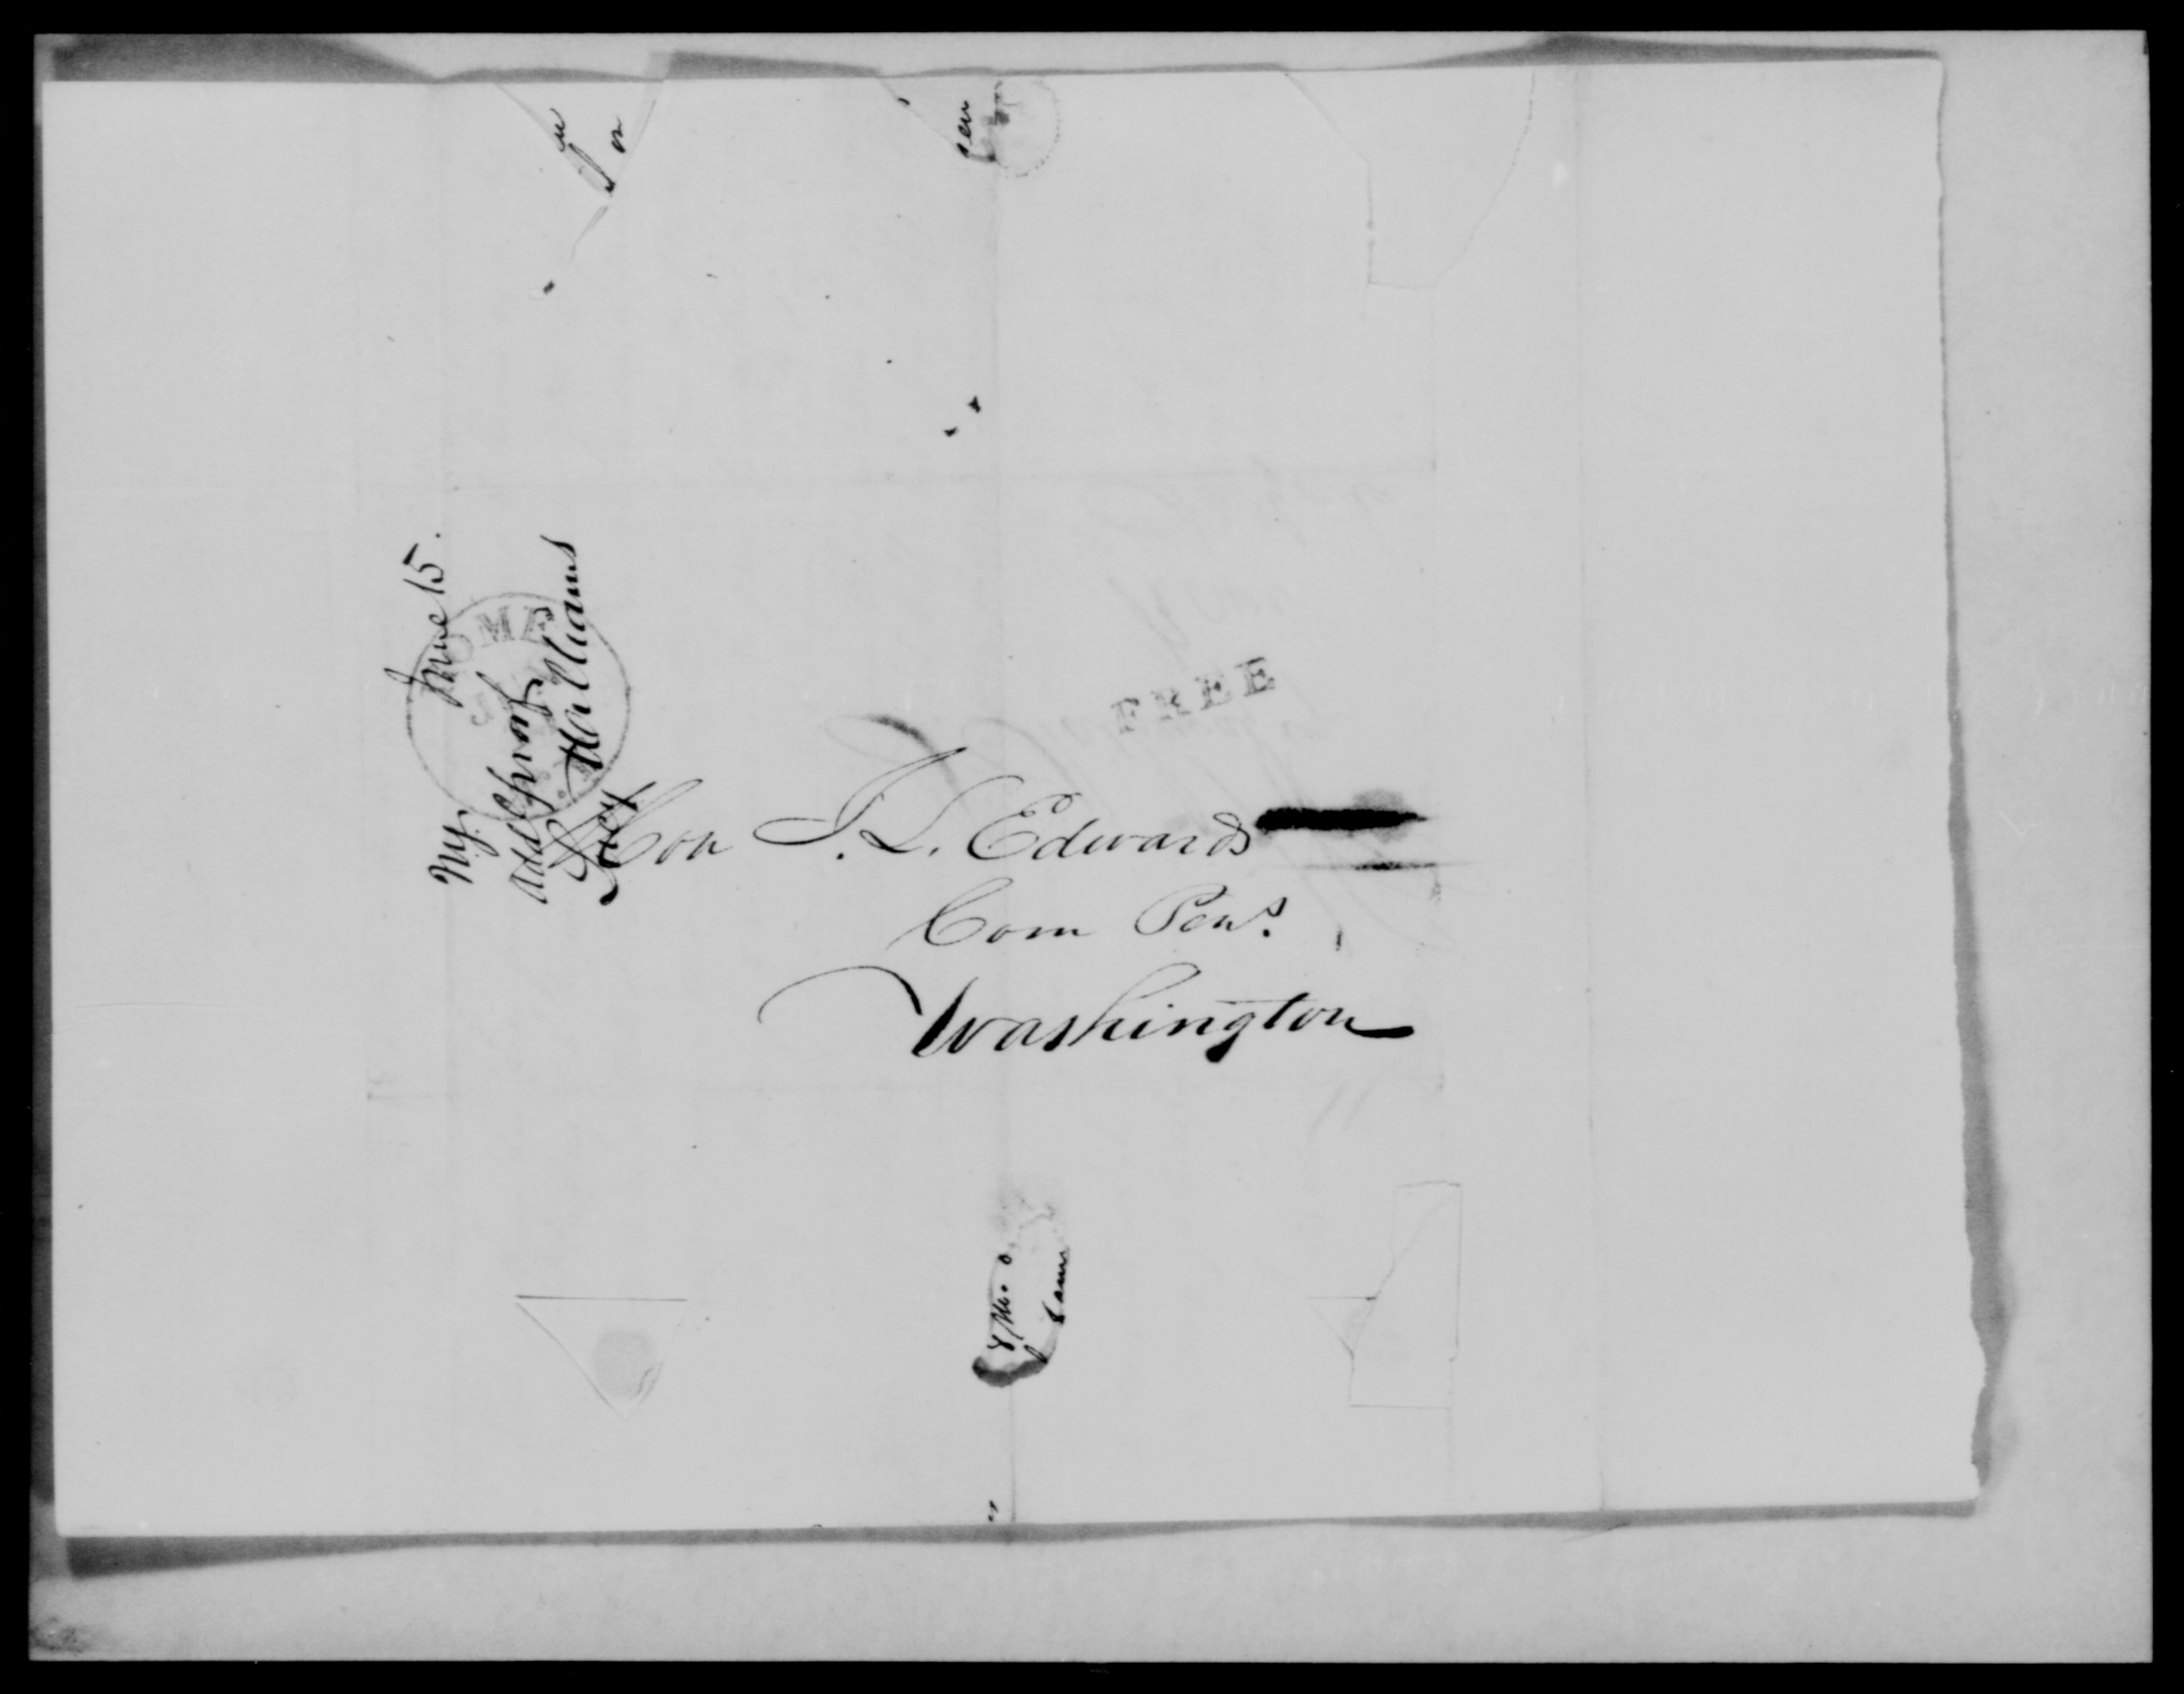N Y June 15
Add Proof
Lucy Williams

FREE
J. L. Edwards
Comm Pens
Washington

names: J L Edwards, Lucy Williams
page: 36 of 63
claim: widow's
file: W. 22,632, David Williams, Conn. Continental Privateer